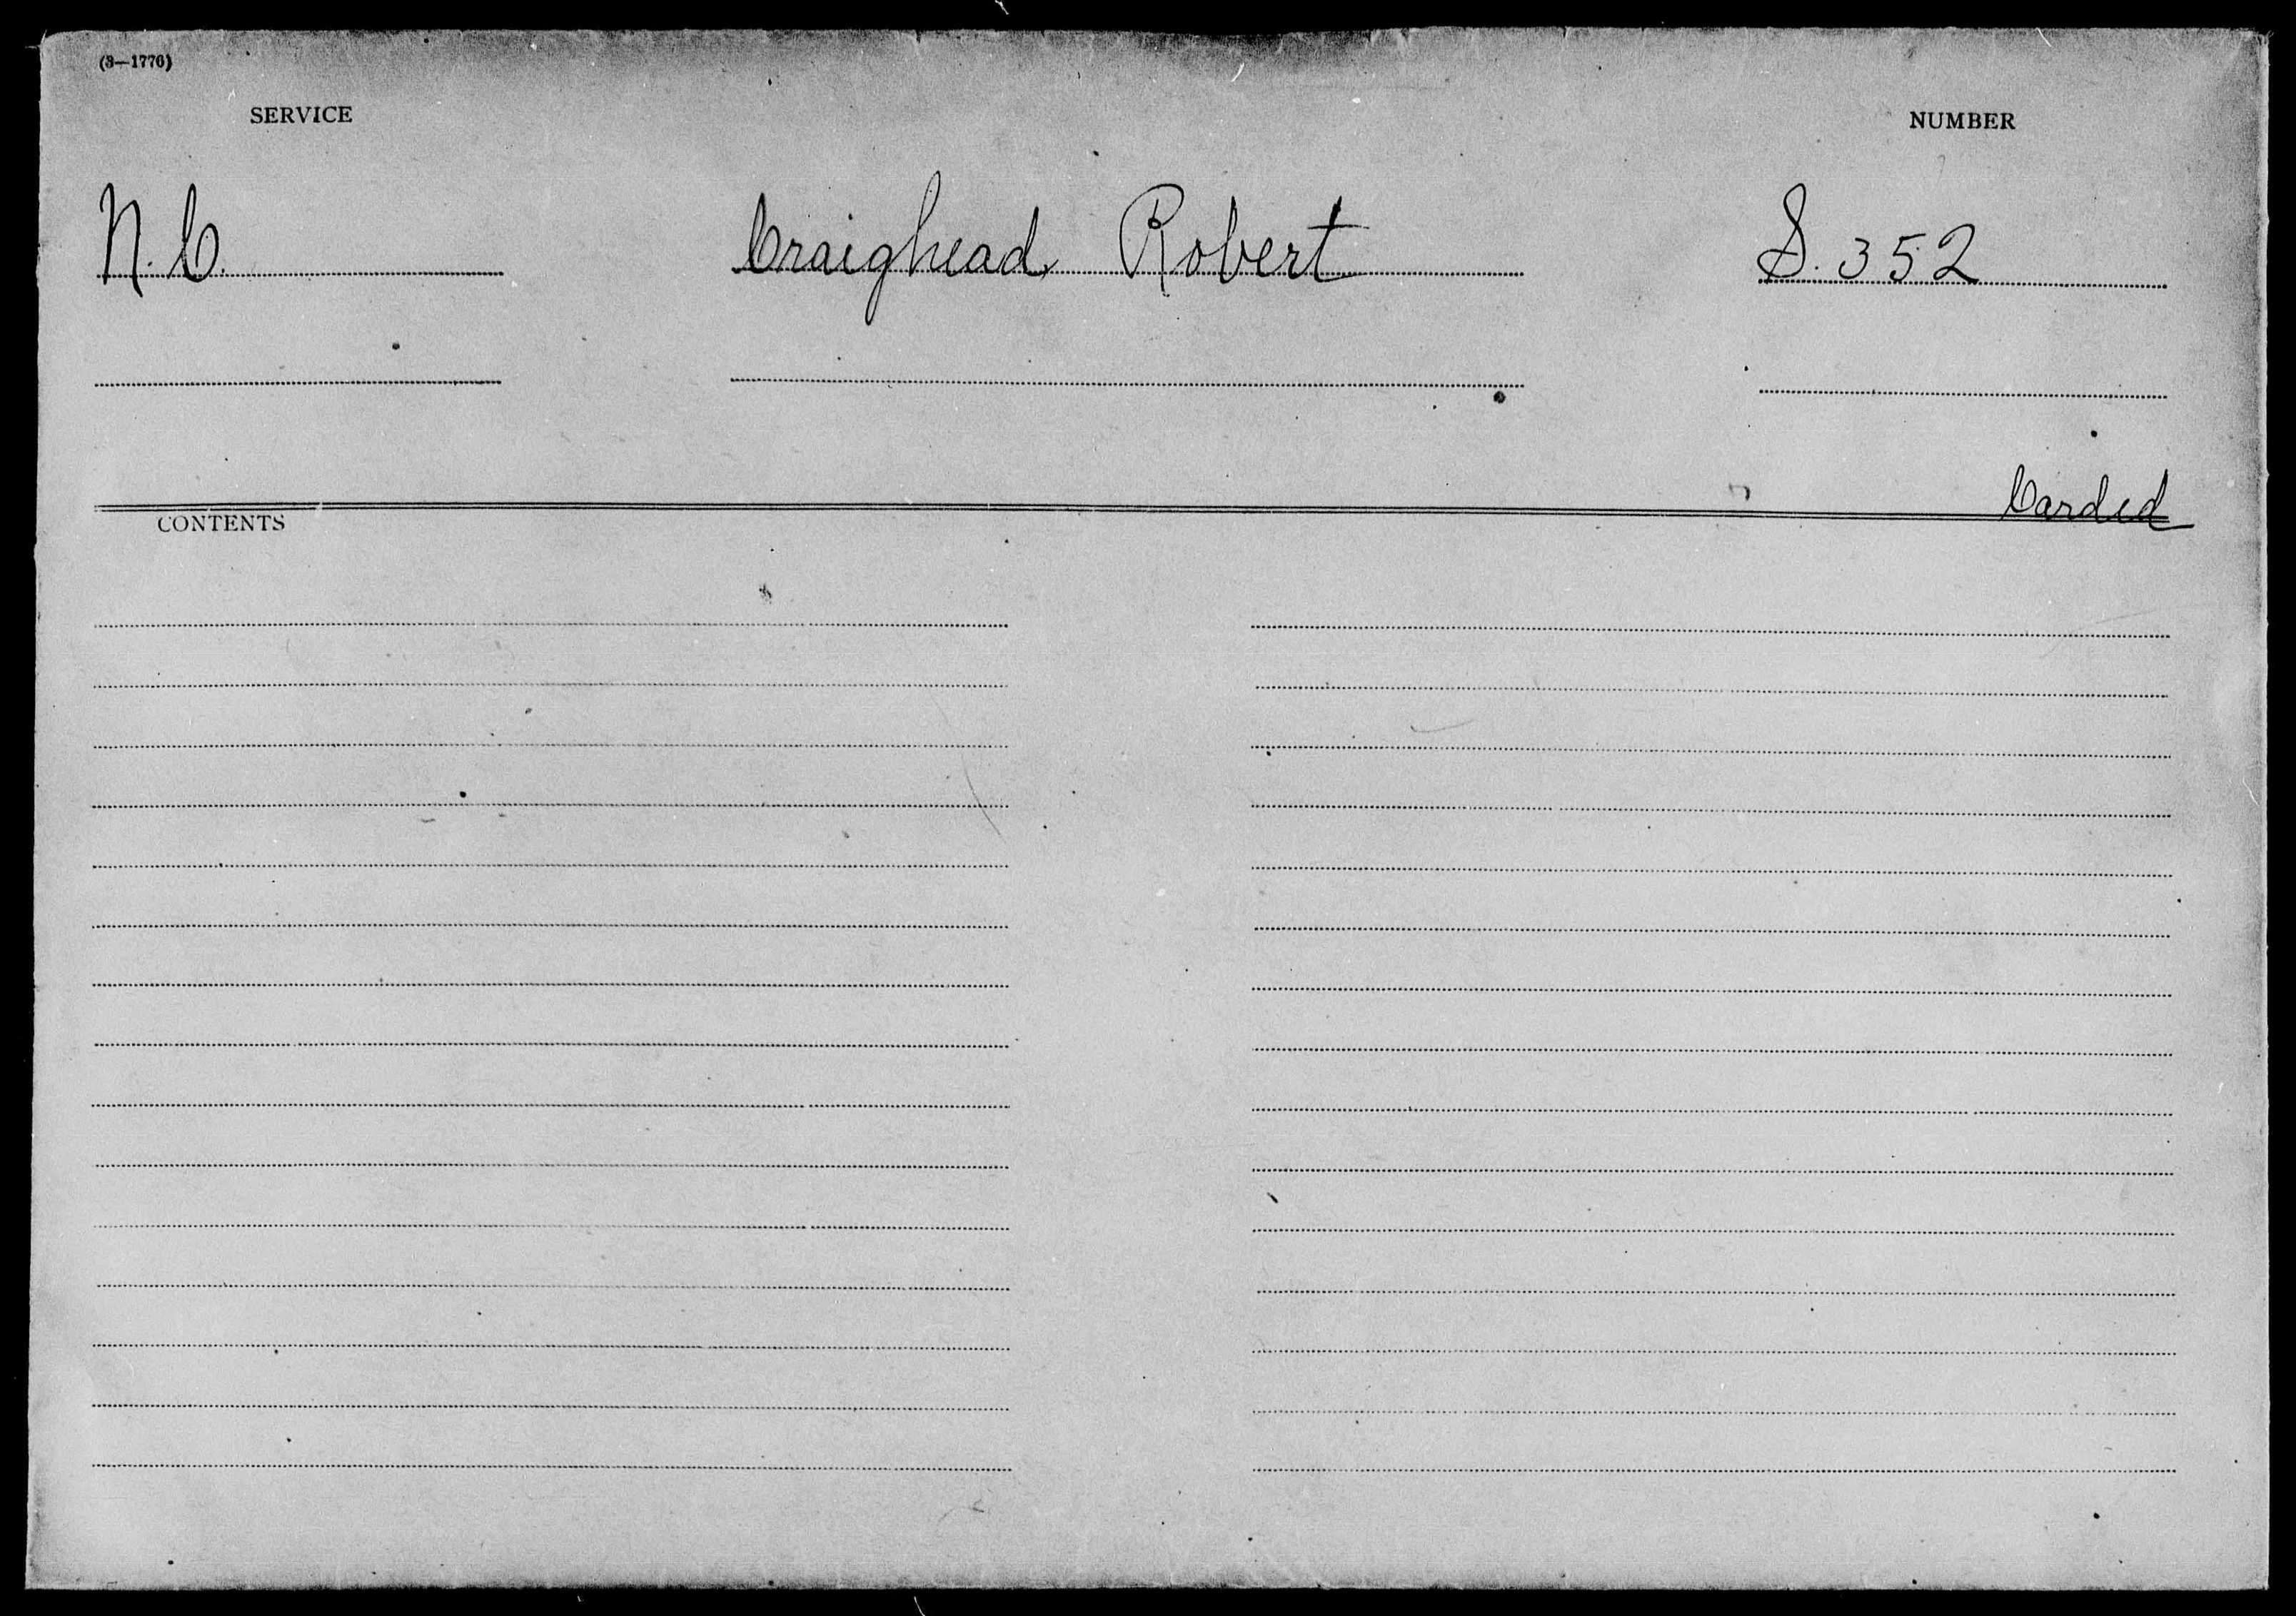17
SERVICE
N.C.
CONTENTS
Craighead, Robert
NUMBER
S. 352
Carded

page: 1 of 26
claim: survivor's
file: S. 352, Robert Craighead, N.C.